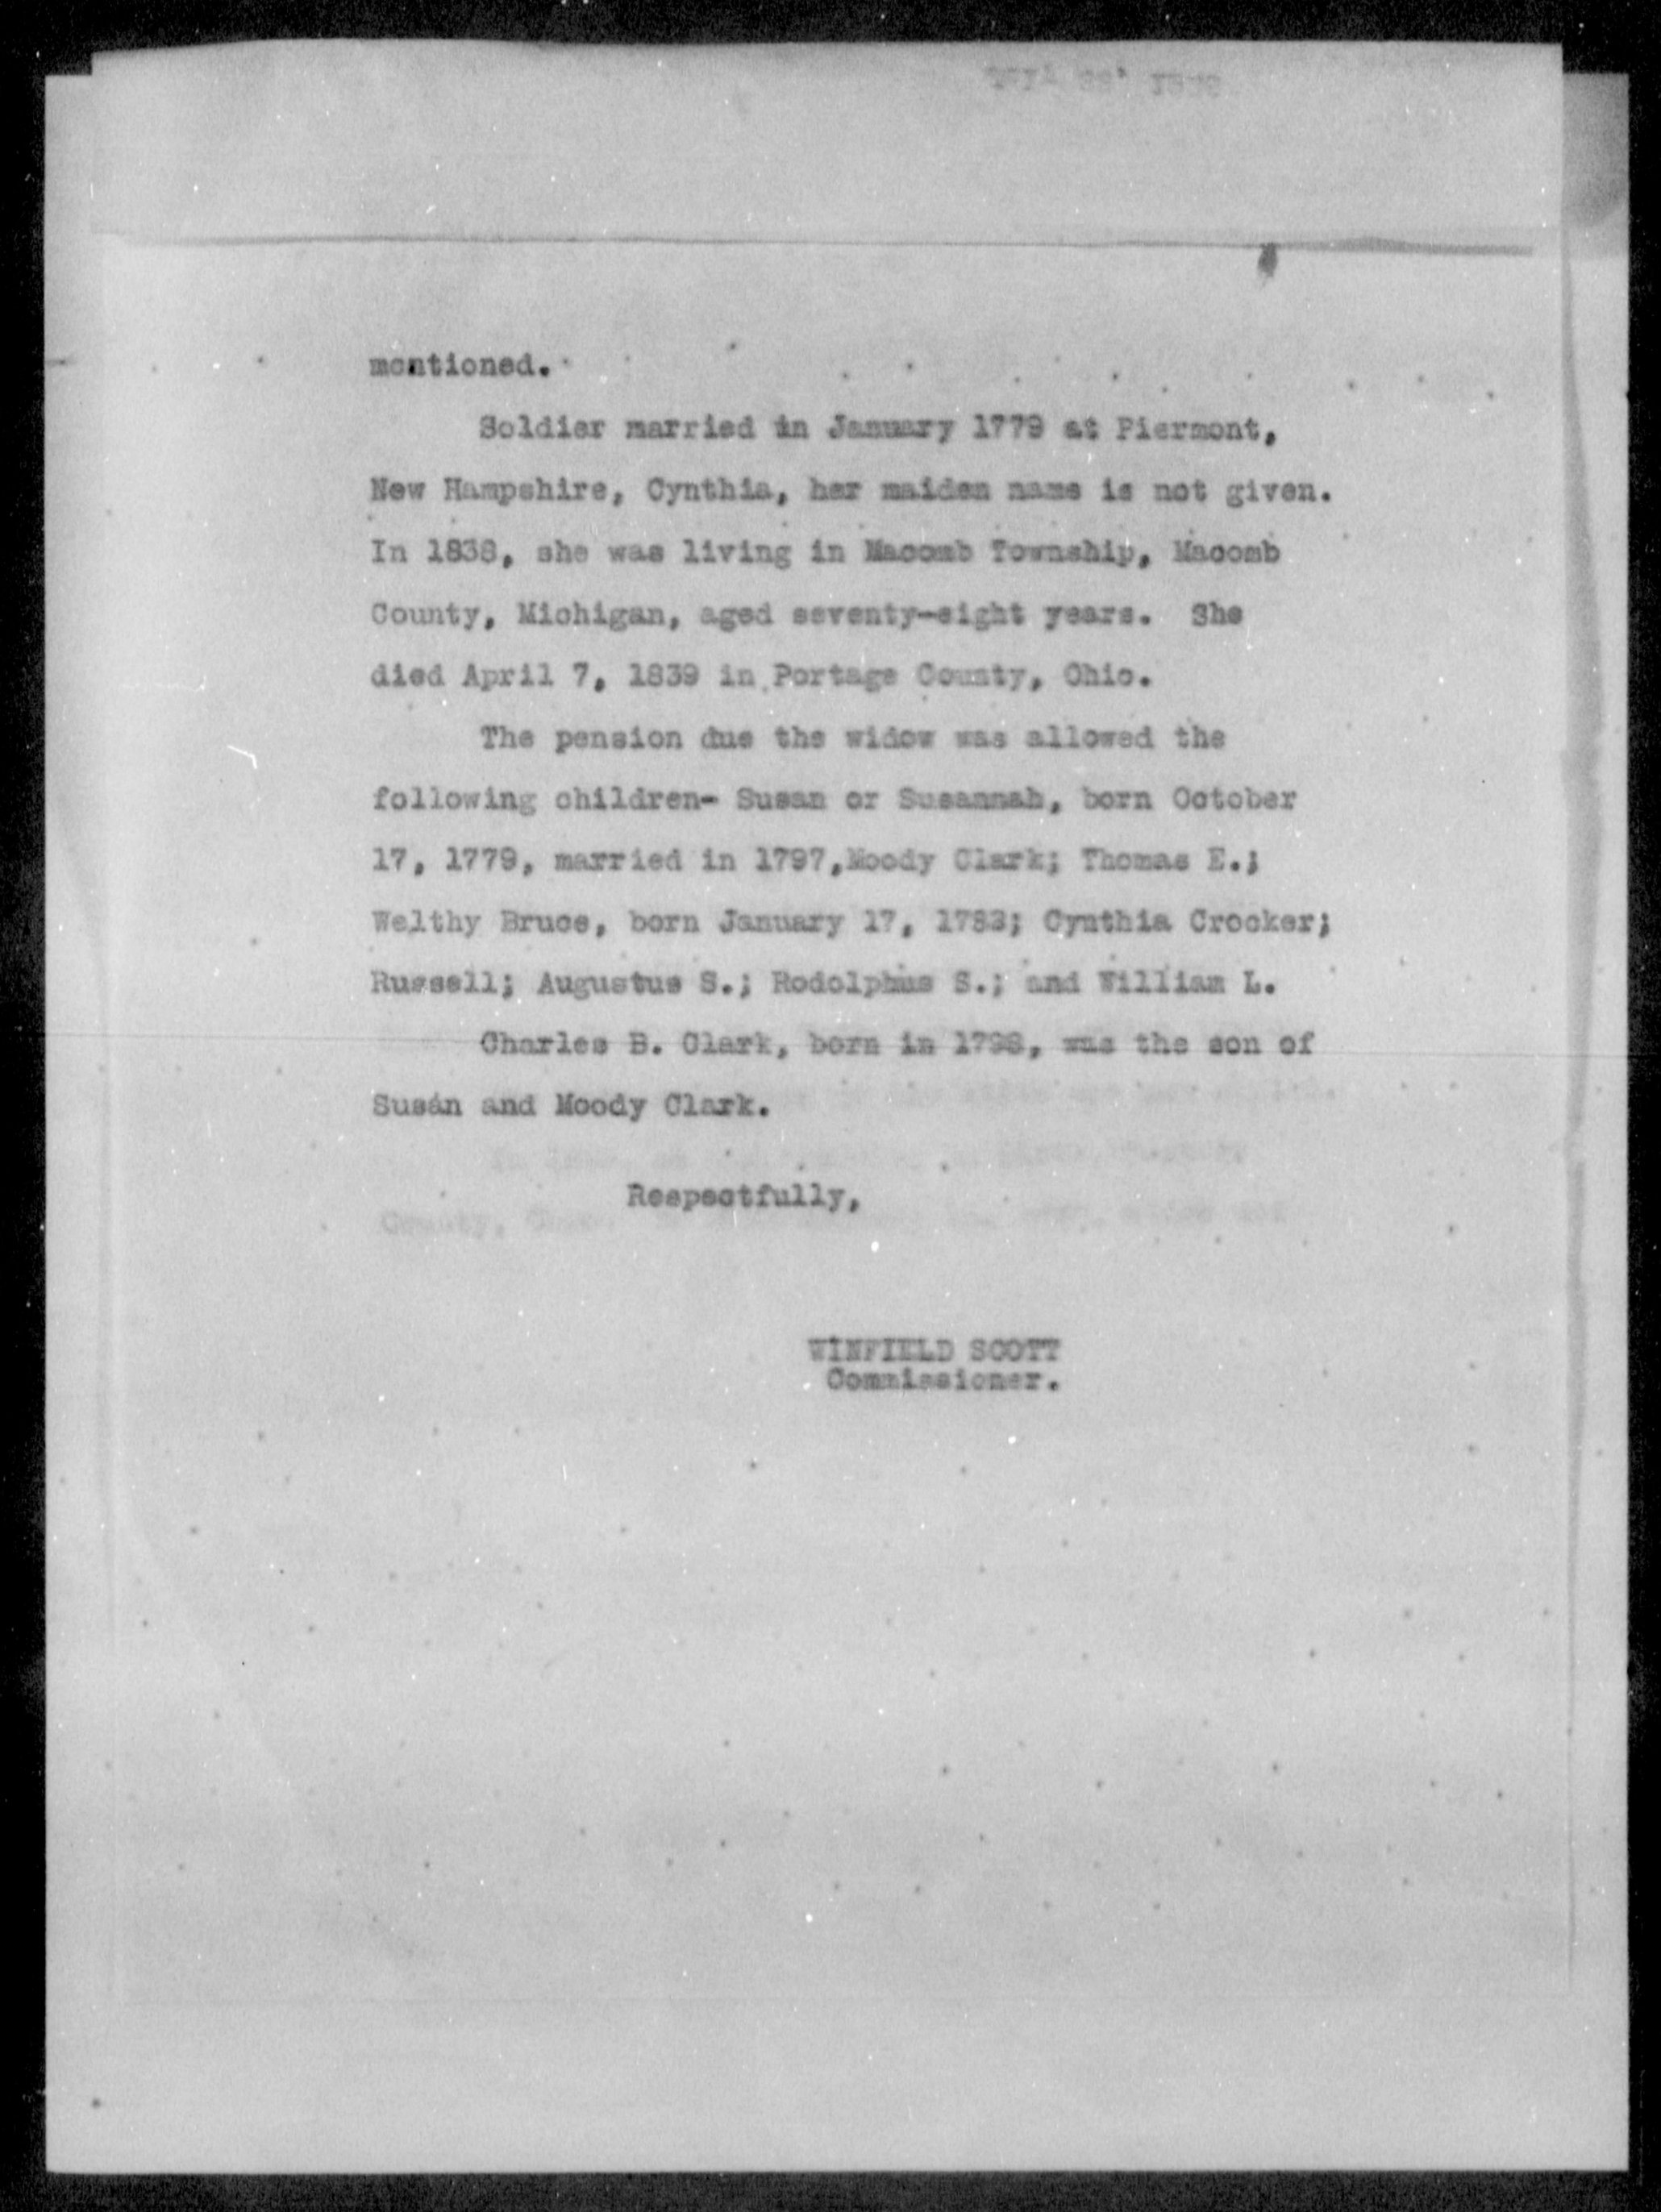mentioned.
Soldier married in January 1779 at Piermont,
New Hampshire, Cynthia, her maiden name is not given.
In 1838, she was living in Macomb Township, Macomb County, Michigan, aged seventy-eight years. She died April 7, 1839 in Portage County, Ohio.
The pension due the widow was allowed the
following children Susan or Susannah, born October 17, 1779, married in 1797, Moody Clark; Thomas E.; Welthy [or WEALTHY] Bruce, born January 17, 1783; Cynthia Crocker; Russell; Augustus S.; Rodolphus S.; and William L.
Charles B. Clark, born in 1798, was the son of
Susan and Moody Clark.
Respectfully,
WINFIELD SCOTT
Commissioner.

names: William L [BLANK]; Welthy Bruce; Augustus S [BLANK]; Thomas E [BLANK]; Rodolphus S [BLANK]; Susan Clark; Susan [BLANK]; Russell [BLANK]; Cynthia [BLANK]; Moody Clark; Susannah [BLANK]; Charles B Clark; Winfield Scott; Moody Clark; Cynthia Crocker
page: 25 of 109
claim: widow's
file: W. 5709, for Thomas Richards, New Hampshire